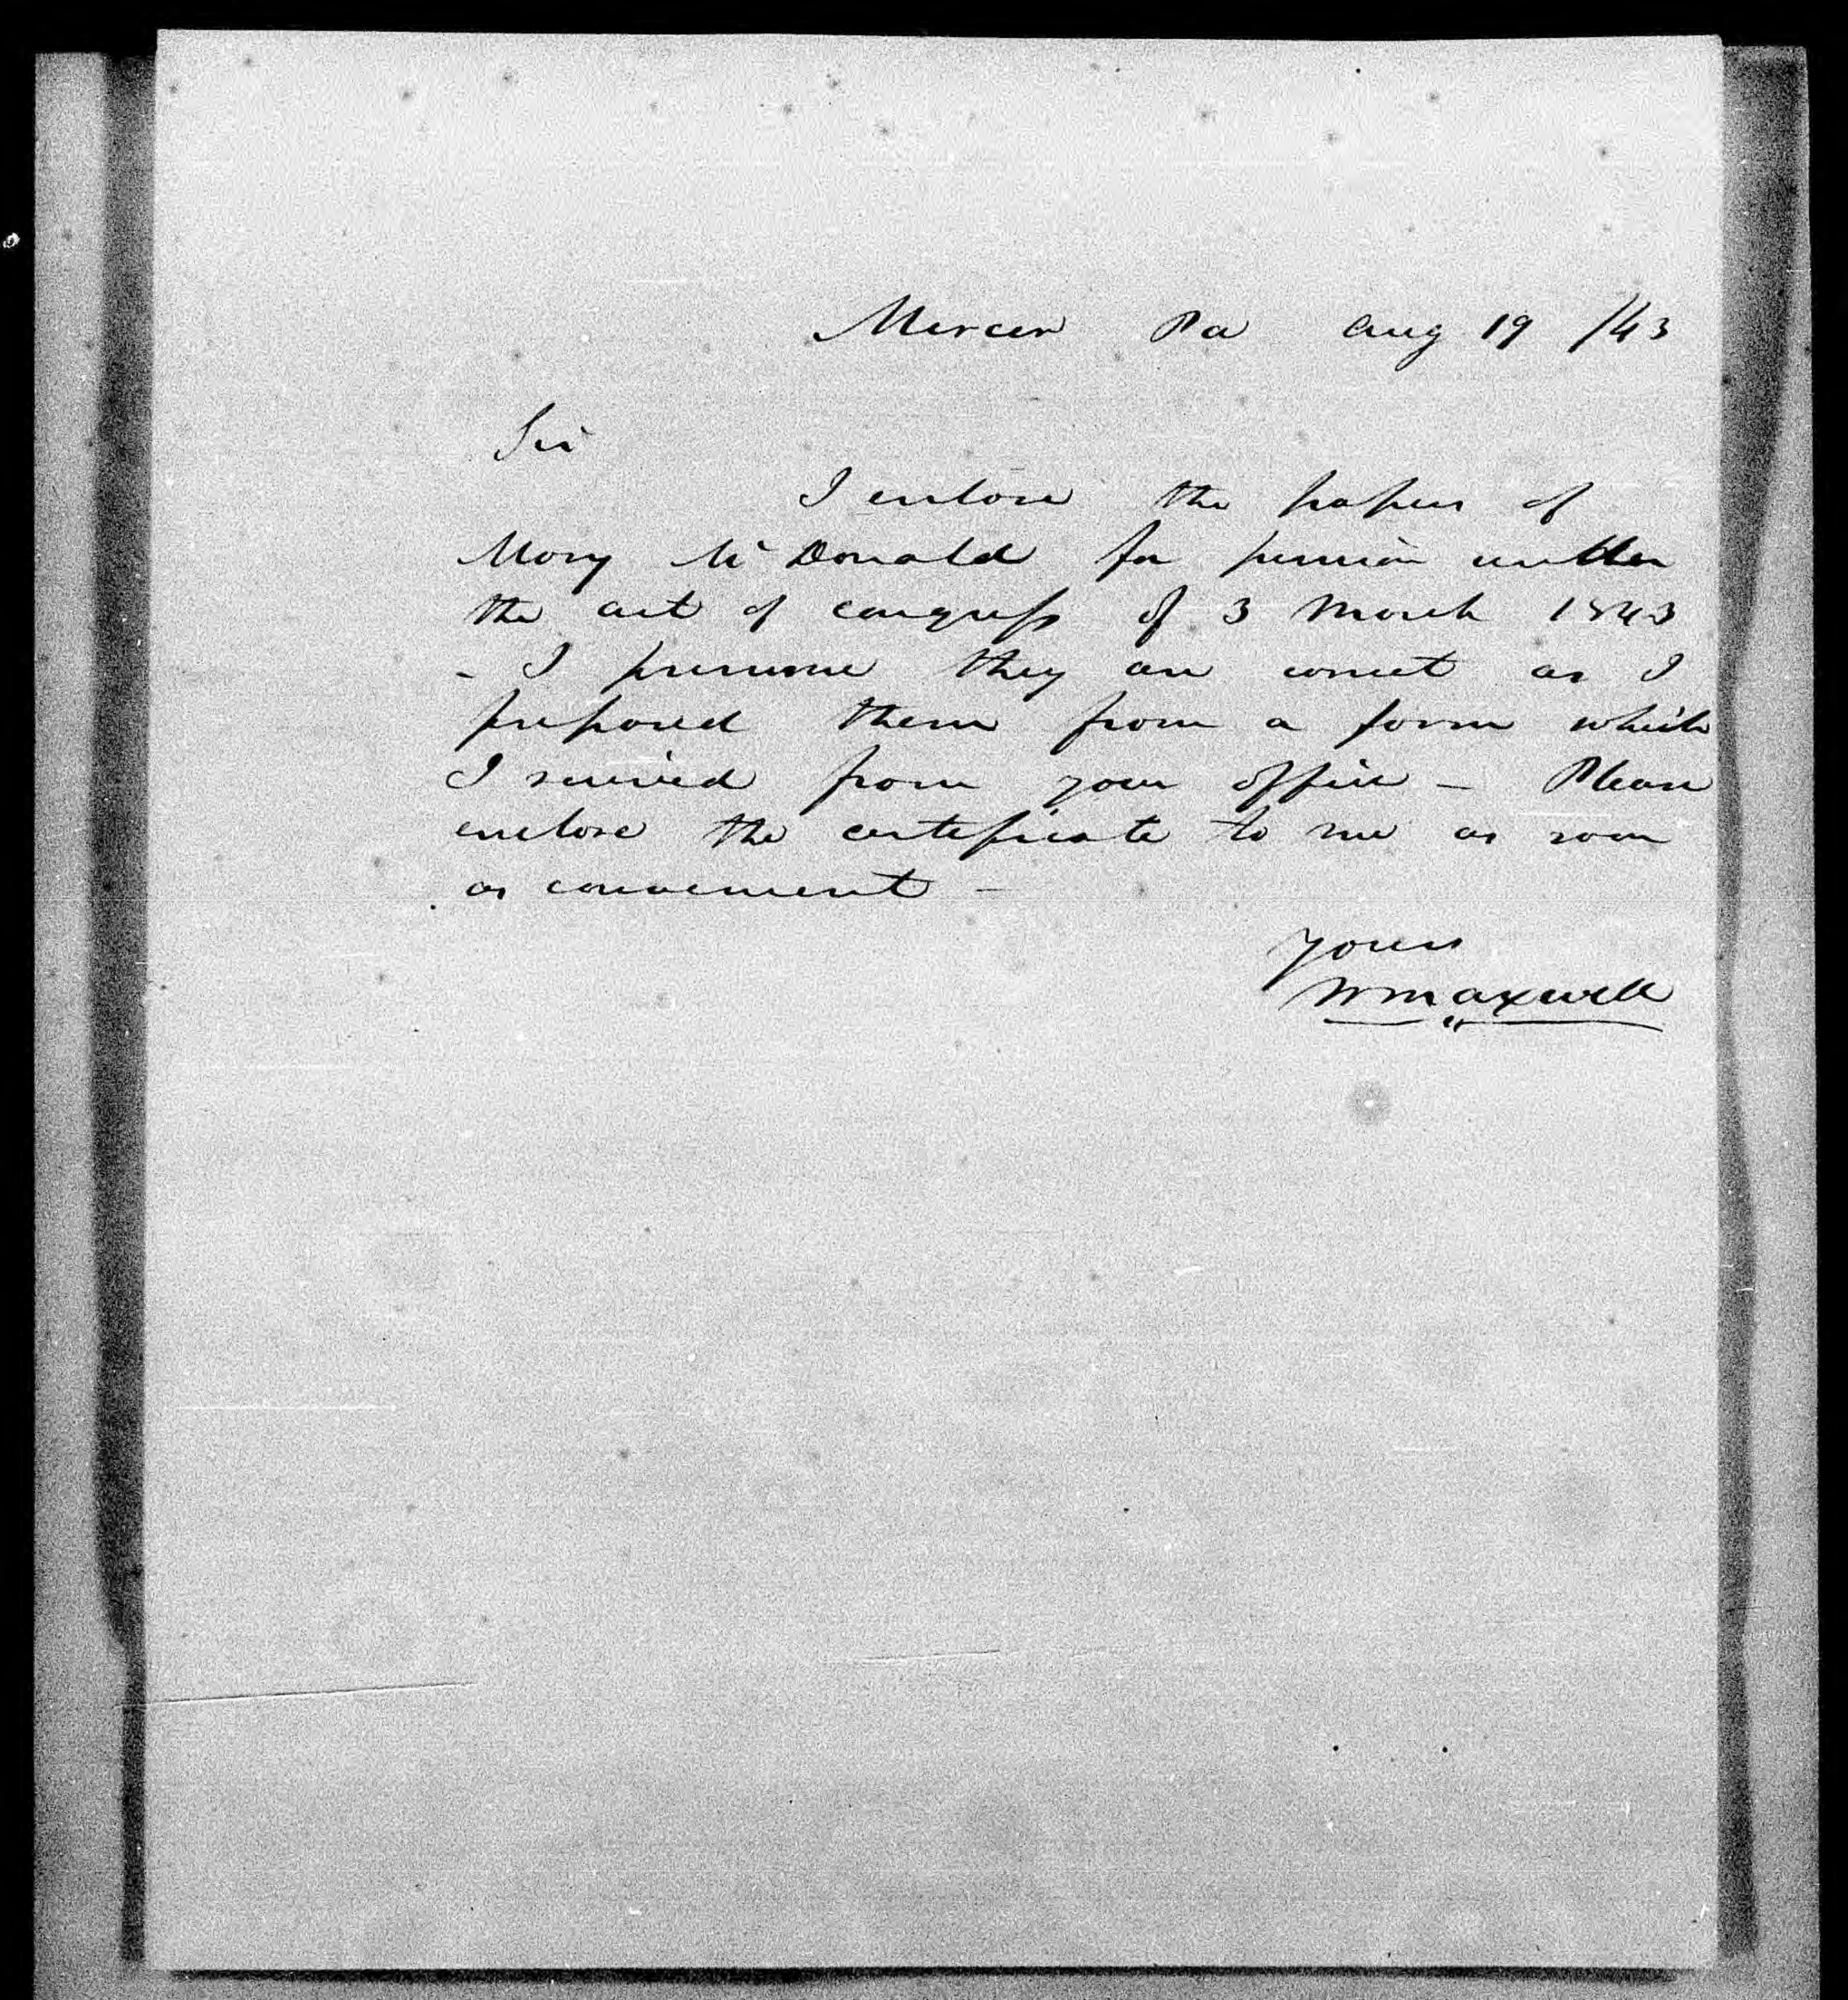Mercer Pa Aug 19 /43
Sir
I enclosed the papers of Mary McDonald for pension written the act of Congress of 3 March 1843 I presume they are correct as I purposed them from  a form which I received from your office. Please enclose the certificate to me as soon as convenient
Yours M Maxwell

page: 37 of 59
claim: widow's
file: W 3703, for Robert Mc Donald, Pennsylvania